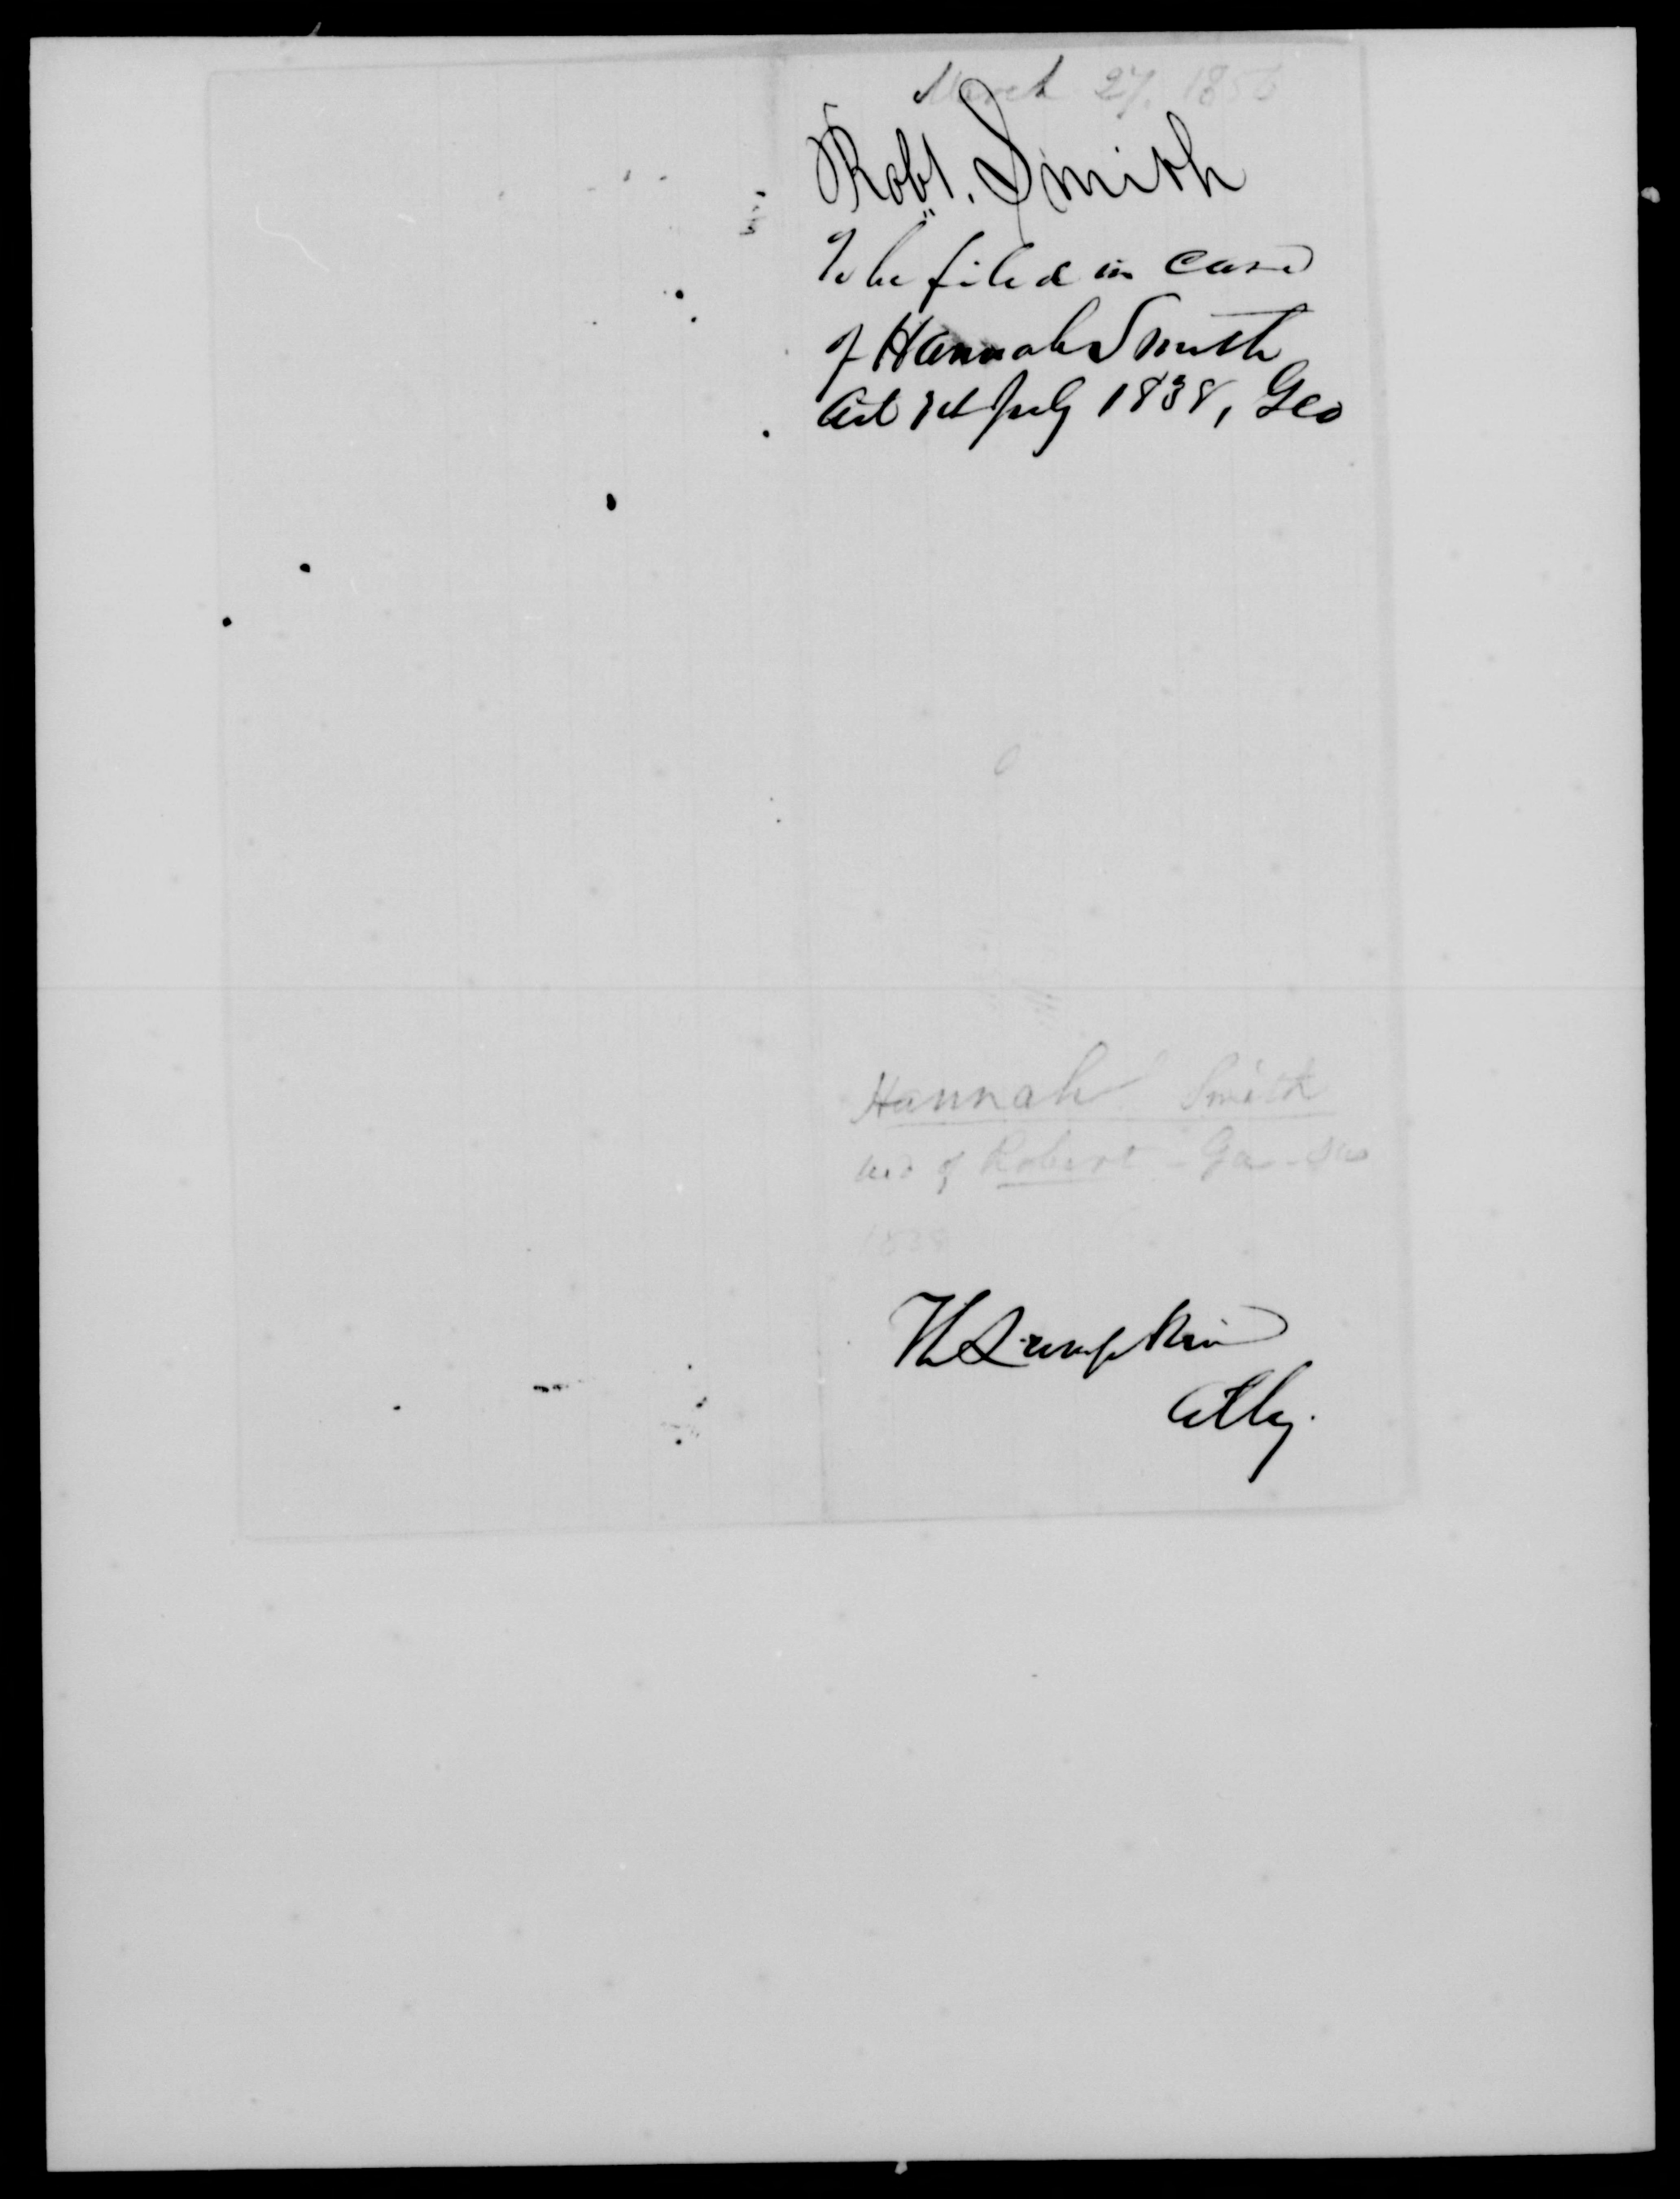March 28 1856
Robt. Smith
To be filed in case
of Hannah Smith
Act 1st July 1838, Geo
Hannah Smith
[illegible] Robert [illegible]
Th Lumpkin
Atty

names: Hannah Smith; Robert Smith; Hannah Smith; Th Lumpkin; Robt Smith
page: 24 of 28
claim: rejected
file: R. 9744, for Robert Smith, South Carolina